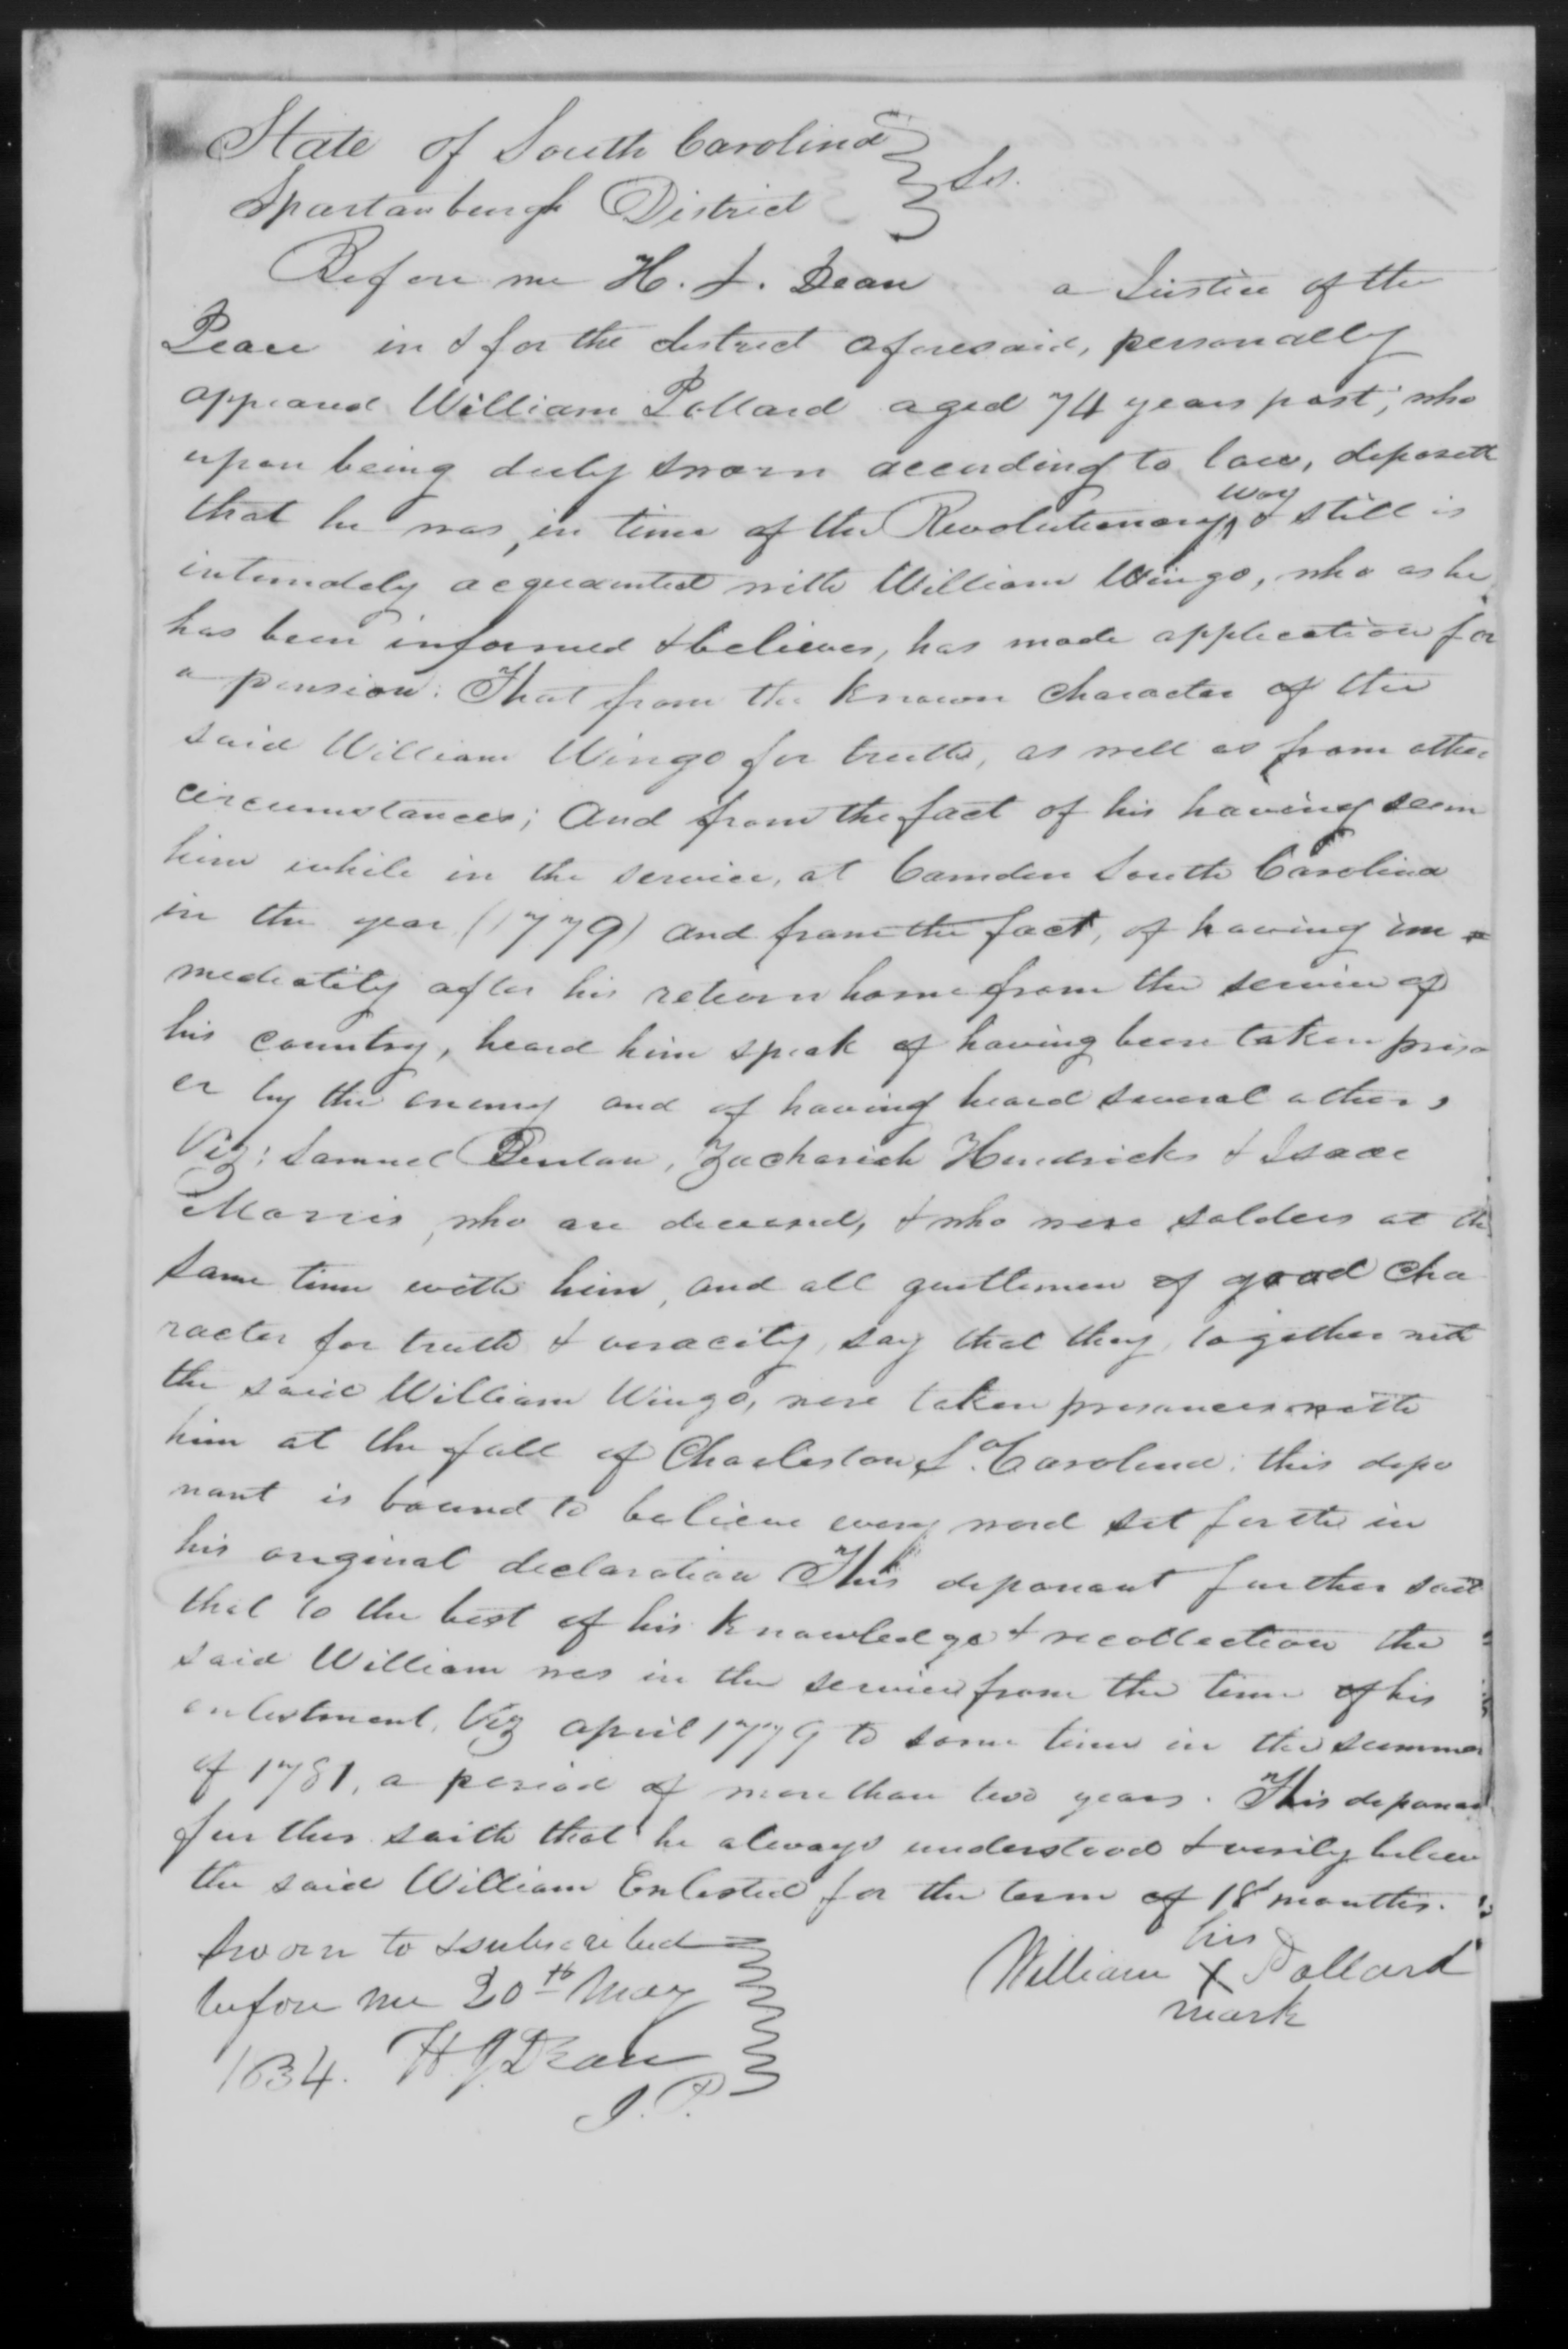State of South Carolina Spartanburgh District } Ss.
Before me H. L. Dean a Justice of the Peace in t & for the district aforesaid, personally appeared William Pollard aged 74 years past; who upon being duly sworn according to law, deposeth that he was, in time of the Revolutionary War still is intimidaly acquainted with William Wingo, who as he has been informed & believes, has made application for a pension. That from the known character of the said William Wingo for truth, as well as from other circumstances; and from the fact of his having seen him while in the service, at Camden South Carolina in the year (1779) and from the fact of having immediately after his return home from the service of his country, heard him speak of having been taken prisoner by the enemy and of having heard several others, Viz: Samuel Benton, Zachariah Hendricks & Isaac Morris, who are deceased, & who were soldiers at the same time with him, and all gentlemen of good character for truth & veracity, say that they together with the said William Wingo, were taken prisoner with him at the fall of Charleston S. Carolina: this deponant is bound to believe every word set forth in his original declaration This deponant further said that to the best of his knowledge & recollection the said William was in the services from the time of his enlistment Viz April 1779 to some time in the summer of 1781, a period of more than two years. This deponant further saith that he always understood & verly believ the said William Enlisted for the term of 18 months. William his X mark Pollard
Sworn to & subscribed before me 20th May 1834 H. J. Dean J.P.}
Sworn to &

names: William Pollard, Zachariah Hendricks, Samuel Benton, Isaac Morris, William Wingo, H J Dean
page: 12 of 19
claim: survivor's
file: S. 7,896, William Wingo, Va.